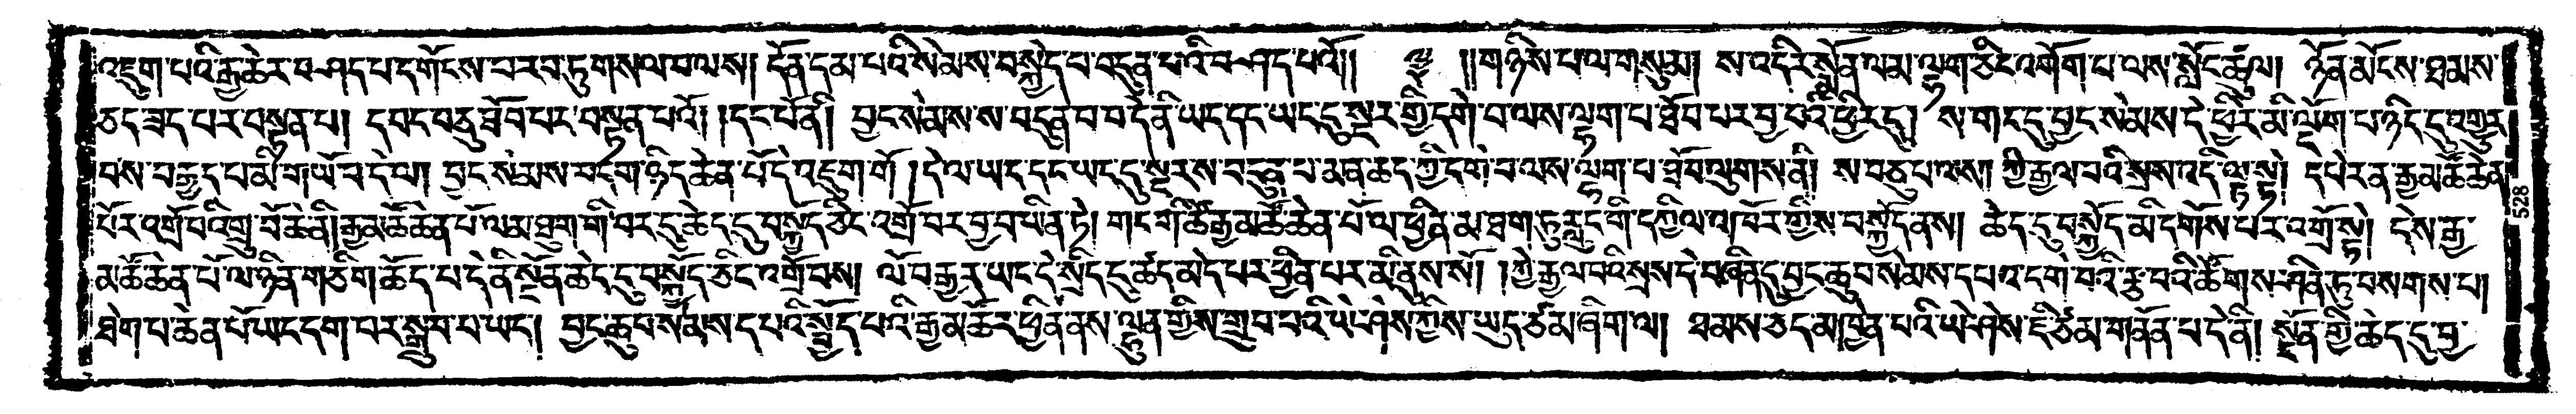འཇུག་པའི་རྒྱ་ཆེར་བཤད་པ་དགོངས་པ་རབ་ཏུ་གསལ་བ་ལས། དོན་དམ་པའི་སེམས་བསྐྱེད་པ་བདུན་པའི་བཤད་པའོ།། ༈ །།གཉིས་པ་ལ་གསུམ། ས་འདིར་སྨོན་ལམ་ལྷག་ཅིང་འགོག་པ་ལས་སློང་ཚུལ། ཉོན་མོངས་ཐམས་
ཅད་ཟད་པར་བསྟན་པ། དབང་བཅུ་ཐོབ་པར་བསྟན་པའོ། །དང་པོ་ནི། བྱང་སེམས་ས་བདུན་པ་བ་དེ་ནི་ཡང་དང་ཡང་དུ་སྔར་གྱི་དགེ་བ་ལས་ལྷག་པ་ཐོབ་པར་བྱ་བའི་ཕྱིར་དུ། ས་གང་དུ་བྱང་སེམས་དེ་ཕྱིར་མི་ལྡོག་པ་ཉིད་དུ་འགྱུར་
བས་བརྒྱད་པ་མི་གཡོ་བ་དེ་ལ། བྱང་སེམས་བདག་ཉིད་ཆེན་པོ་དེ་འཇུག་གོ །དེ་ལ་ཡང་དང་ཡང་དུ་སྔར་ས་བདུན་པ་མན་ཆད་ཀྱི་དགེ་བ་ལས་ལྷག་པ་ཐོབ་ལུགས་ནི། ས་བཅུ་པ་ལས། ཀྱེ་རྒྱལ་བའི་སྲས་འདི་ལྟ་སྟེ། དཔེར་ན་རྒྱ་མཚོ་ཆེན་
པོར་འགྲོ་བའི་གྲུ་བོ་ཆེ་ནི། རྒྱ་མཚོ་ཆེན་པོ་ལ་མ་ཐུག་གི་བར་དུ་ཆེད་དུ་བསྐྱོད་ཅིང་འགྲོ་བར་བྱ་བ་ཡིན་ཏེ། གང་གི་ཚེ་རྒྱ་མཚོ་ཆེན་པོ་ལ་ཕྱིན་མ་ཐག་ཏུ་རླུང་གི་དཀྱིལ་འཁོར་གྱིས་བསྐྱོད་ནས། ཆེད་དུ་བསྐྱོད་མི་དགོས་པར་འགྲོ་སྟེ། དེས་རྒྱ་
མཚོ་ཆེན་པོ་ལ་ཉིན་གཅིག་ཆོད་པ་དེ་ནི་སྔོན་ཆེད་དུ་བསྐྱོད་ཅིང་འགྲོ་བས། ལོ་བརྒྱར་ཡང་དེ་སྲིད་དུ་ཚད་མེད་པར་ཕྱིན་པར་མི་ནུས་སོ། །ཀྱེ་རྒྱལ་བའི་སྲས་དེ་བཞིན་དུ་བྱང་ཆུབ་སེམས་དཔའ་དགེ་བའི་རྩ་བའི་ཚོགས་ཤིན་ཏུ་བསགས་པ།
ཐེག་པ་ཆེན་པོ་ཡང་དག་པར་བསྒྲུབ་པ་ཡང་། བྱང་ཆུབ་སེམས་དཔའི་སྤྱོད་པའི་རྒྱ་མཚོར་ཕྱིན་ནས་ལྷུན་གྱིས་གྲུབ་པའི་ཡེ་ཤེས་ཀྱིས་ཡུད་ཙམ་ཞིག་ལ། ཐམས་ཅད་མཁྱེན་པའི་ཡེ་ཤེས་ཇི་ཙམ་གནོན་པ་དེ་ནི། སྔོན་གྱི་ཆེད་དུ་བྱ་